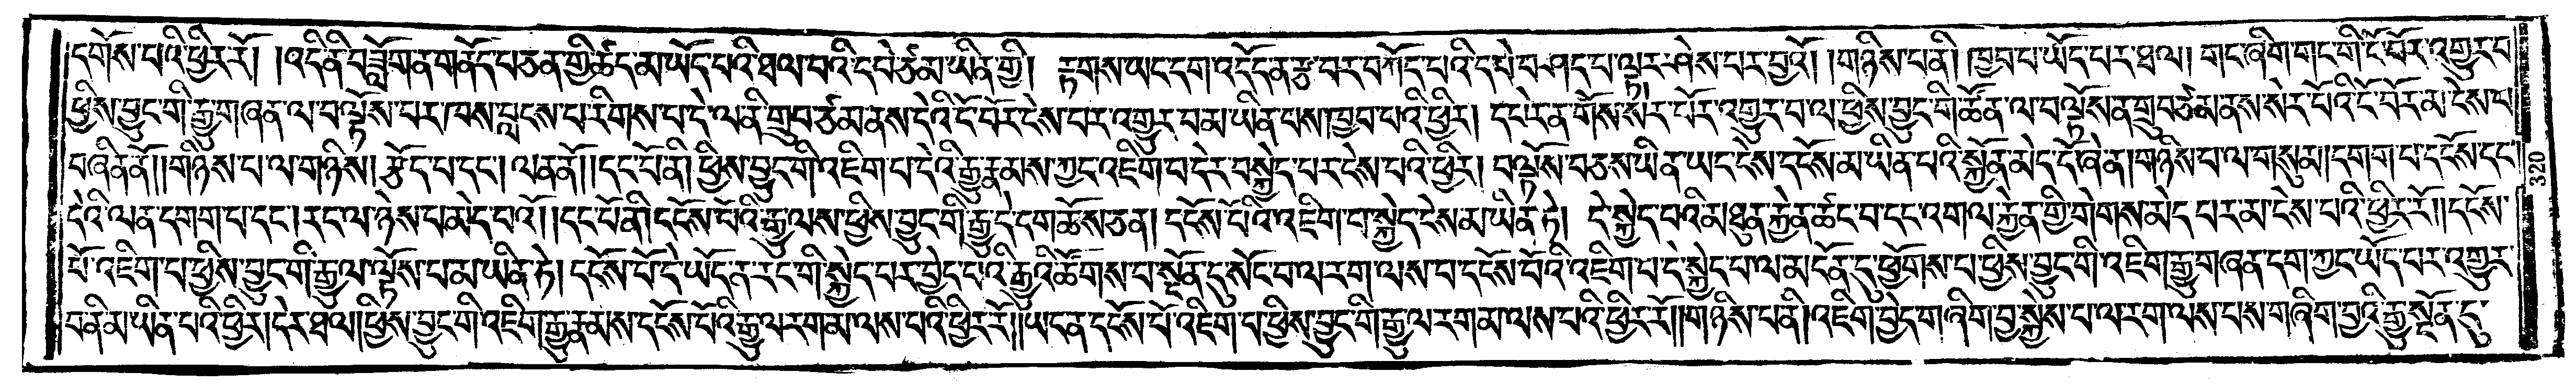དགོས་པའི་ཕྱིར་རོ། །འདི་ནི་བཟློག་ན་གནོད་པ་ཅན་གྱི་ཚད་མ་ཡོད་པའི་ཐལ་ཐལ་བའི་དབེ་ཙམ་ཡིན་གྱི། རྟགས་ཡང་དག་འདོད་ན་རྩ་བར་བཀོད་པའི་དཔེ་བཤད་པ་ལྟར་ཤེས་པར་བྱའོ། །གཉིས་པ་ནི། ཁྱབ་པ་ཡོད་པར་ཐལ། གང་ཞིག་གང་གི་ངོ་བོར་འགྱུར་བ་
ཕྱིས་བྱུང་གི་རྒྱུ་གཞན་ལ་བལྟོས་པར་ཁས་བླངས་པ་རིགས་པ་དེ་ལ་ནི་གྲུབ་ཙམ་ནས་དེའི་ངོ་བོར་ངེས་པར་འགྱུར་བམ་ཡིན་པས་ཁྱབ་པའི་ཕྱིར། དཔེར་ན་གོས་སེར་པོར་འགྱུར་བ་ལ་ཕྱིས་བྱུང་གི་ཚོན་ལ་བལྟོས་ན་གྲུབ་ཙམ་ནས་སེར་པོའི་ངོ་བོར་མ་ངེས་པ་
བཞིན་ནོ། །གཉིས་པ་ལ་གཉིས། རྩོད་པ་དང་། ལན་ནོ། །དང་པོ་ནི། ཕྱིས་བྱུང་གི་འཇིག་པ་དེའི་རྒྱུ་རྣམས་ཀྱང་འཇིག་པ་དེར་བསྐྱེད་པར་ངེས་པའི་ཕྱིར། བལྟོས་བཅས་ཡིན་ཡང་ངེས་དངོས་མ་ཡིན་པའི་སྐྱོན་མེད་དོ་ཞེ་ན། གཉིས་པ་ལ་གསུམ། དགག་པ་དངོས་དང་
དེའི་ལན་དགག་པ་དང་། རང་ལ་ཉེས་པ་མེད་པའོ། །དང་པོ་ནི། དངོས་པོའི་རྒྱུ་ལས་ཕྱིས་བྱུང་གི་རྒྱུ་དེ་དག་ཆོས་ཅན། དངོས་པོའི་འཇིག་བསྐྱེད་ངེས་མ་ཡིན་ཏེ། དེ་སྐྱེད་པའི་མཐུན་རྐྱེན་ཚད་བ་དང་འགལ་རྐྱེན་གྱི་གེགས་མེད་པར་མ་ངེས་པའི་ཕྱིར་རོ། །དངོས་
པོ་འཇིག་པ་ཕྱིས་བྱུང་གི་རྒྱུ་ལ་ལྟོས་པ་མ་ཡིན་ཏེ། དངོས་པོ་དེ་ཡོད་ན་རང་གི་སྐྱེད་པར་བྱེད་པའི་རྒྱུའི་ཚོགས་པ་སྔོན་དུ་སོང་བ་ལ་རག་ལས་པ་དངོས་པོའི་འཇིག་པ་དེ་སྐྱེད་པ་ལ་མངོན་དུ་ཕྱོགས་པ་ཕྱིས་བྱུང་གི་འཇིག་རྒྱུ་གཞན་དག་ཀྱང་ཡོད་པར་འགྱུར་
བ་ནི་ཡིན་པའི་ཕྱིར་།དེར་ཐལ། ཕྱིས་བྱུང་གི་འཇིག་རྒྱུ་རྣམས་དངོས་པོའི་རྒྱུ་ལ་རག་མ་ལས་པའི་ཕྱིར་རོ། །ཡང་ན་དངོས་པོ་འཇིག་པ་ཕྱིས་བྱུང་གི་རྒྱུལ་རག་མས་ལས་པའི་ཕྱིར་རོ། །གཉིས་པ་ནི། འཇིག་བྱེད་གཞིག་བྱ་སྐྱེས་པ་ལ་རག་ལས་པས་གཞིག་བྱའི་རྒྱུ་སྔོན་དུ་